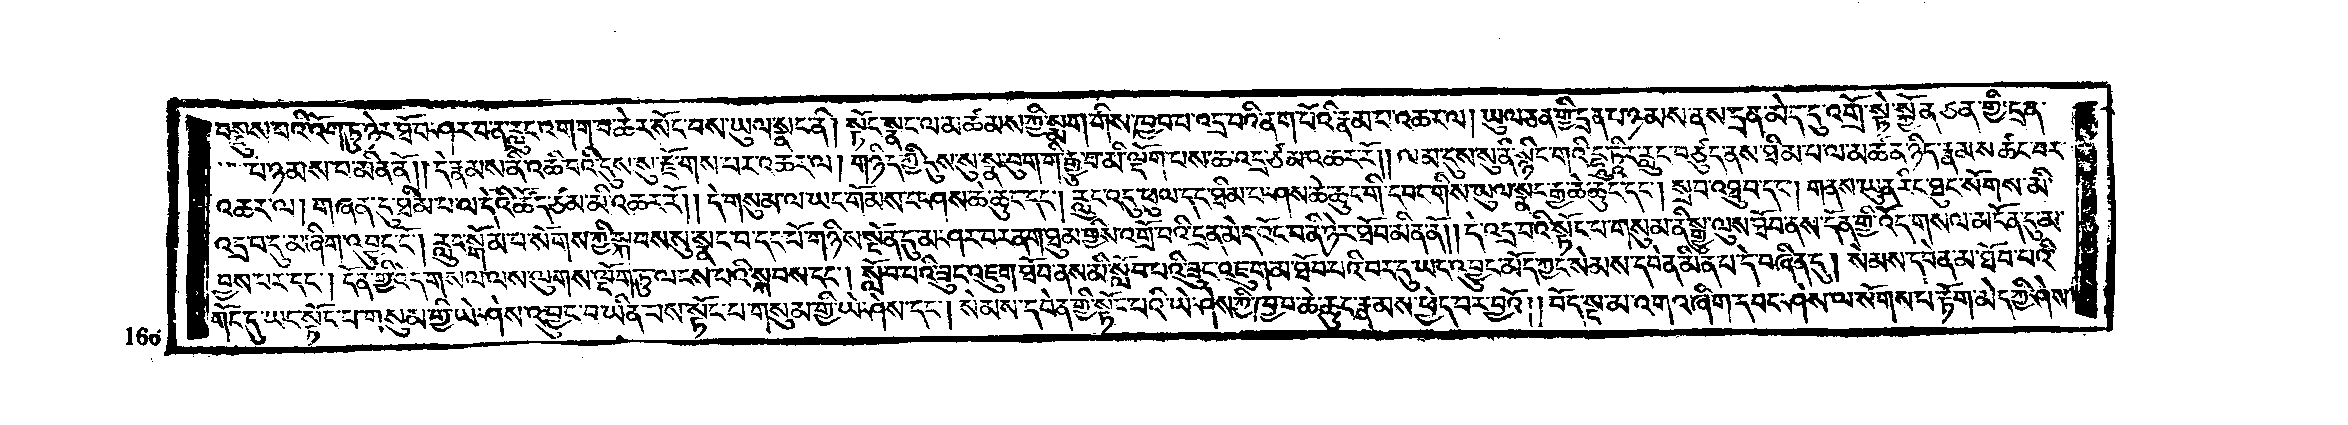བསྡུས་པའི་འོག་ཏུ་ཉེར་ཐོབ་ཤར་བ་ན་རླུང་འགག་པ་ཆེར་སོང་བས་ཡུལ་སྣང་ནི། སྟོང་སྣང་ལ་མཚམས་ཀྱི་སྨག་གིས་ཁྱབ་པ་འདྲ་བའི་ནག་པོའི་རྣམ་པ་འཆར་ལ། ཡུལ་ཅན་གྱི་དྲན་པ་ཉམས་ནས་དྲན་མེད་དུ་འགྲོ་སྟེ་སྐྱོན་ཅན་གྱི་དྲན་
པ་ཉམས་པ་མིན་ནོ། །དེ་རྣམས་ནི་འཆི་བའི་དུས་སུ་རྫོགས་པར་འཆར་ལ། གཉིད་ཀྱི་དུས་སུ་སྣ་བུག་གི་རྒྱུ་བ་མི་ལྡོག་པས་ཆ་འདྲ་ཙམ་འཆར་རོ། །ལམ་དུས་སུ་ནི་སྙིང་གའི་དྷཱུ་ཏཱིར་རླུང་བཙུད་ནས་ཐིམ་པ་ལ་མཚན་ཉིད་རྣམས་ཚང་བར་
འཆར་ལ། གཞན་དུ་ཐིམ་པ་ལ་དེའི་ཚོད་ཙམ་མི་འཆར་རོ། །དེ་གསུམ་ལ་ཡང་གོམས་པ་ཤས་ཆེ་ཆུང་དང་། རླུང་འདུ་ཕུལ་དང་ཐིམ་པ་ཤས་ཆེ་ཆུང་གི་དབང་གིས་ཡུལ་སྣང་རྒྱ་ཆེ་ཆུང་དང་། སྲབ་འཐུབ་དང་། གནས་ཡུན་རིང་ཐུང་སོགས་མི་
འདྲ་བ་དུ་མ་ཞིག་འབྱུང་ངོ། རླུང་སྒོམ་པ་སོགས་ཀྱི་སྐབས་སུ་སྣང་བ་དང་པོ་གཉིས་སྔོན་དུ་མ་ཤར་བར་ནག་ཐུམ་གྱིས་འགྲོ་བའི་དྲན་མེད་འོང་བ་ནི་ཉེར་ཐོབ་མིན་ནོ། །དེ་འདྲ་བའི་སྟོང་པ་གསུམ་ནི་སྒྱུ་ལུས་ཐོབ་ནས་དོན་གྱི་འོད་གསལ་མངོན་དུ་མ་
བྱས་པར་དང་། དོན་གྱི་འོད་གསལ་ལས་ལུགས་ལྡོག་ཏུ་ལངས་པའི་སྐབས་དང་། སློབ་པའི་ཟུང་འཇུག་ཐོབ་ནས་མི་སློབ་པའི་ཟུང་འཇུག་མ་ཐོབ་པའི་བར་དུ་ཡང་འབྱུང་མོད་ཀྱང་སེམས་དབེན་མིན་པ་དེ་བཞིན་དུ། སེམས་དབེན་མ་ཐོབ་པའི་
གོང་དུ་ཡང་སྟོང་པ་གསུམ་གྱི་ཡེ་ཤེས་འབྱུང་བ་ཡིན་པས་སྟོང་པ་གསུམ་གྱི་ཡེ་ཤེས་དང་། སེམས་དབེན་གྱི་སྟོང་པའི་ཡེ་ཤེས་ཀྱི་ཁྱབ་ཆེ་ཆུང་རྣམས་ཕྱེད་པར་བྱའོ། །བོད་སྔ་མ་འགའ་ཞིག་དབང་ཤེས་ལ་སོགས་པ་རྟོག་མེད་ཀྱི་ཤེས་